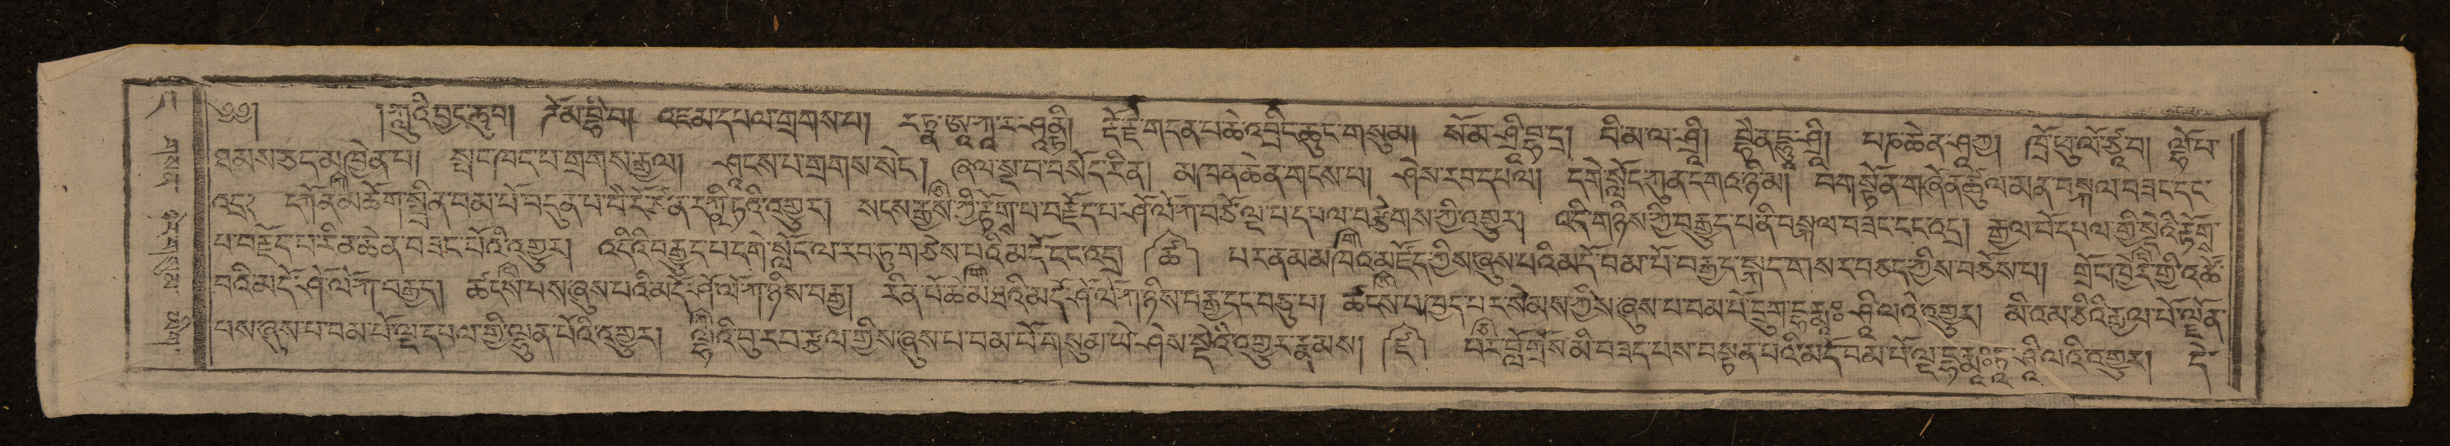༄༅། །ཀླུའི་བྱང་ཆུབ། ཌོ་བྷི་པ། འཇམ་དཔལ་གྲགས་པ། རཏན་ཨཱ་ཀཱ་ར་ཤཱནྟི། རྡོ་རྗེ་གདན་པ་ཆེ་འབྲིང་ཆུང་གསུམ། སོ་མ་ཤྲཱི་བྷ་དྲ། བི་མ་ལ་ཤྲཱི། བྷེན་དྷཱུ་ཤྲཱི། པཎ་ཆེན་ཤཱཀྱ། ཁྲོ་ཕུ་ལོ་ཙཱ་བ། ལྷོ་པ་
ཐམས་ཅད་མཁྱེན་པ། སྤང་ཁང་པ་གྲགས་རྒྱལ། ཤཱ་ངས་པ་གྲགས་སེང་། ཞལ་སྔ་བ་བསོད་རིན། མཁན་ཆེན་གངས་པ། ཤེས་རབ་དཔལ། དགེ་སློང་ཀུན་དགའ་ཉི་མ། བག་སྟོན་གཞོན་ཚུལ་མན་བསྐལ་བཟང་དང་
འདྲ༑ དཀོན་མཆོག་སྤྲིན་བམ་པོ་བདུན་པ་བཻ་རོ་ཙན་རཀྵི་ཏའི་འགྱུར། སངས་རྒྱས་ཀྱི་རྟོགས་པ་བརྗོད་པ་ཤོ་ལོ་ཀ་བཅོ་ལྔ་པ་དཔལ་བརྩེགས་ཀྱི་འགྱུར། འདི་གཉིས་ཀྱི་བརྒྱུད་པ་ནི་བསྐལ་བཟང་དང་འདྲ། རྒྱལ་པོ་དཔལ་གྱི་སྡེའི་རྟོགས་
པ་བརྗོད་པ་རིན་ཆེན་བཟང་པོའི་འགྱུར། འདིའི་བརྒྱུད་པ་དགེ་སློང་ལ་རབ་ཏུ་གཅེས་པའི་མདོ་དང་འདྲ། {ཆ}་པར་ནམ་མཁའ་མཛོད་ཀྱིས་ཞུས་པའི་མདོ་བམ་པོ་བརྒྱད་སྐད་གསར་བཅད་ཀྱིས་བཅོས་པ། གྲོང་ཁྱེར་གྱི་འཚོ་
བའི་མདོ་ཤོ་ལོ་ཀ་བརྒྱད། ཚངས་པས་ཞུས་པའི་མདོ་ཤོ་ལོ་ཀ་ཉིས་བརྒྱ། རིན་པོ་ཆེ་མཐའི་མདོ་ཤོ་ལོ་ཀ་ཉིས་བརྒྱ་དང་བཅུ་པ། ཚངས་པ་ཁྱད་པར་སེམས་ཀྱིས་ཞུས་པ་བམ་པོ་དྲུག་དྷརྨཱཿ ཤཱི་ལའི་འགྱུར། མི་འམ་ཅིའི་རྒྱལ་པོ་ལྗོན་
ཕས་ཞུས་པ་བམ་པོ་ལྔ་དཔལ་གྱི་ལྷུན་པོའི་འགྱུར། ལྷའི་བུ་རབ་རྩལ་གྱིས་ཞུས་པ་བམ་པོ་གསུམ་ཡེ་ཤེས་སྡེའི་འགྱུར་རྣམས། {ཛ}་པར་བློ་གྲོས་མི་བཟད་པས་བསྟན་པའི་མདོ་བམ་པོ་ལྔ་དྷརྨཱཿ ཏཱ་ཤཱི་ལའི་འགྱུར། དི་